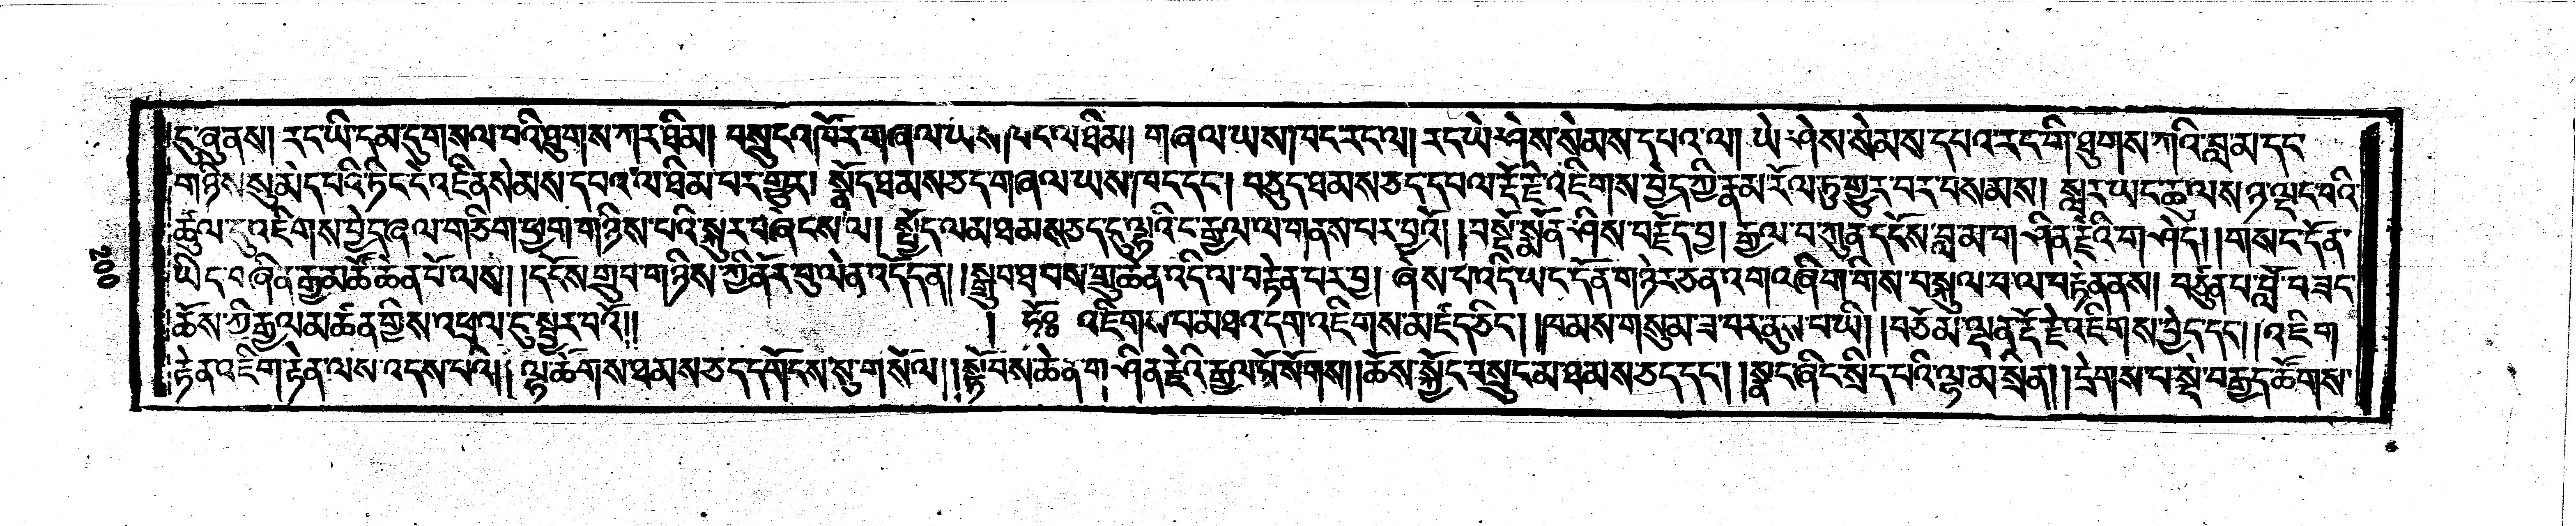དུ་ཞུ་ནས། རང་ཡི་དམ་དུ་གསལ་བའི་ཐུགས་ཀར་ཐིམ། བསྲུང་འཁོར་གཞལ་ཡས་ཁང་ལ་ཐིམ། གཞལ་ཡས་ཁང་རང་ལ། རང་ཡེ་ཤེས་སེམས་དཔའ་ལ། ཡེ་ཤེས་སེམས་དཔའ་རང་གི་ཐུགས་ཀའི་བླ་མ་དང་
གཉིས་སུ་མེད་པའི་ཏིང་ངེ་འཛིན་སེམས་དཔའ་ལ་ཐིམ་པར་གྱུར། སྣོད་ཐམས་ཅད་གཞལ་ཡས་ཁང་དང་། བཅུད་ཐམས་ཅད་དཔལ་རྡོ་རྗེ་འཇིགས་བྱེད་ཀྱི་རྣམ་རོལ་ཏུ་གྱུར་པར་བསམས། སླར་ཡང་ཆུ་ལས་ཉ་ལྡང་བའི་
ཚུལ་དུ་འཇིགས་བྱེད་ཞལ་གཅིག་ཕྱག་གཉིས་པའི་སྐུར་བཞེངས་ལ། སྤྱོད་ལམ་ཐམས་ཅད་དུ་ལྷའི་ང་རྒྱལ་ལ་གནས་པར་བྱའོ། །བསྔོ་སྨོན་ཤིས་བརྗོད་བྱ། རྒྱལ་བ་ཀུན་དངོས་བླ་མ་གཤིན་རྗེའི་གཤེད། །གསང་དོན་
ཡིད་བཞིན་རྒྱ་མཚོ་ཆེན་པོ་ལས། །དངོས་གྲུབ་གཉིས་ཀྱི་ནོར་བུ་ལེན་འདོད་ན། །སྒྲུབ་ཐབས་གྲུ་ཆེན་འདི་ལ་བརྟེན་པར་བྱ། ཞེས་པ་འདི་ཡང་དོན་གཉེར་ཅན་འགའ་ཞིག་གིས་བསྐུལ་བ་ལ་བརྟེན་ནས། བཙུན་པ་བློ་བཟང་
ཆོས་ཀྱི་རྒྱལ་མཚན་གྱིས་འཕྲལ་དུ་སྦྱར་བའོ།། །ཧོཿ འཇིགས་པ་མཐའ་དག་འཇིགས་མཛད་ཅིང་། །ཁམས་གསུམ་ཟ་བར་ནུས་པ་ཡི། །བཅོམ་ལྡན་རྡོ་རྗེ་འཇིགས་བྱེད་དང་། །འཇིག་
རྟེན་འཇིག་རྟེན་ལས་འདས་པའི། །ལྷ་ཚོགས་ཐམས་ཅད་དགོངས་སུ་གསོལ། །སྟོབས་ཆེན་གཤིན་རྗེའི་རྒྱལ་པོ་སོགས། །ཆོས་སྐྱོང་བསྲུང་མ་ཐམས་ཅད་དང་། །སྣང་ཞིང་སྲིད་པའི་ལྷ་མ་སྲིན། །དྲེགས་པ་སྡེ་བརྒྱད་ཚོགས་